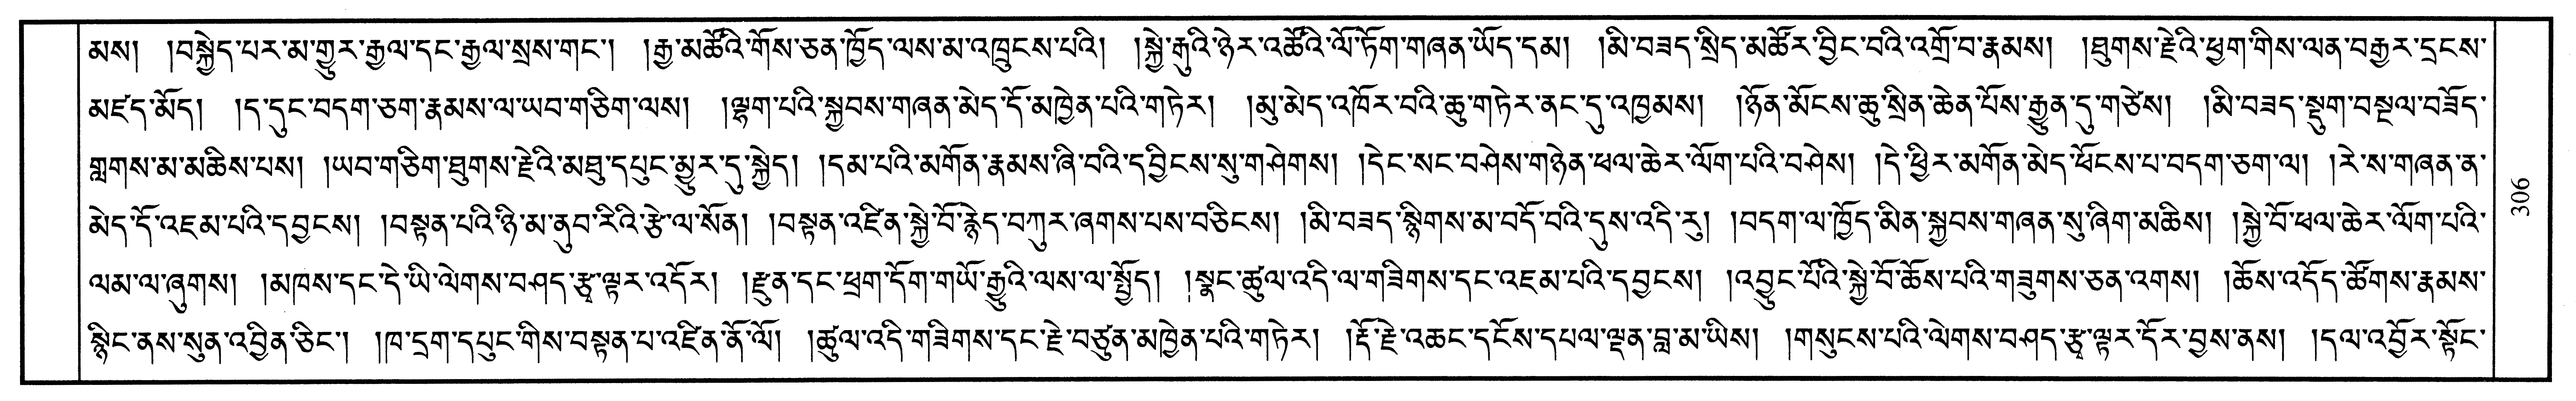མས། །བསྐྱེད་པར་མ་གྱུར་རྒྱལ་དང་རྒྱལ་སྲས་གང་། །རྒྱ་མཚོའི་གོས་ཅན་ཁྱོད་ལས་མ་འཁྲུངས་པའི། །སྐྱེ་རྒུའི་ཉེར་འཚོའི་ལོ་ཏོག་གཞན་ཡོད་དམ། །མི་བཟད་སྲིད་མཚོར་བྱིང་བའི་འགྲོ་བ་རྣམས། །ཐུགས་རྗེའི་ཕྱག་གིས་ལན་བརྒྱར་དྲངས་
མཛད་མོད། །ད་དུང་བདག་ཅག་རྣམས་ལ་ཡབ་གཅིག་ལས། །ལྷག་པའི་སྐྱབས་གཞན་མེད་དོ་མཁྱེན་པའི་གཏེར། །མུ་མེད་འཁོར་བའི་ཆུ་གཏེར་ནང་དུ་འཁྱམས། །ཉོན་མོངས་ཆུ་སྲིན་ཆེན་པོས་རྒྱུན་དུ་གཙེས། །མི་བཟད་སྡུག་བསྔལ་བཟོད་
གླགས་མ་མཆིས་པས། །ཡབ་གཅིག་ཐུགས་རྗེའི་མཐུ་དཔུང་སྨྱུར་དུ་སྐྱེད། །དམ་པའི་མགོན་རྣམས་ཞི་བའི་དབྱིངས་སུ་གཤེགས། །དེང་སང་བཤེས་གཉེན་ཕལ་ཆེར་ལོག་པའི་བཤེས། །དེ་ཕྱིར་མགོན་མེད་ཕོངས་པ་བདག་ཅག་ལ། །རེ་ས་གཞན་ན་
མེད་དོ་འཇམ་པའི་དབྱངས། །བསྟན་པའི་ཉི་མ་ནུབ་རིའི་རྩེ་ལ་སོན། །བསྟན་འཛིན་སྐྱེ་བོ་རྙེད་བཀུར་ཞགས་པས་བཅིངས། །མི་བཟད་སྙིགས་མ་བདོ་བའི་དུས་འདི་རུ། །བདག་ལ་ཁྱོད་མིན་སྐྱབས་གཞན་སུ་ཞིག་མཆིས། །སྐྱེ་བོ་ཕན་ཆེར་ལོག་པའི་
ལམ་ལ་ཞུགས། །མཁས་དང་དེ་ཡི་ལེགས་བཤད་རྩྭ་ལྟར་འདོར། །རྫུན་དང་ཕྲག་དོག་གཡོ་རྒྱུའི་ལས་ལ་སྤྱོད། །སྣང་ཚུལ་འདི་ལ་གཟིགས་དང་འཇམ་པའི་དབྱངས། །འབྱུང་པོའི་སྐྱེ་བོ་ཆོས་པའི་གཟུགས་ཅན་འགས། །ཆོས་འདོད་ཚོགས་རྣམས་
སྙིང་ནས་སུན་འབྱིན་ཅིང་། །ཁ་དྲག་དཔུང་གིས་བསྟན་པ་འཛིན་ནོ་ལོ། །ཚུལ་འདི་གཟིགས་དང་རྗེ་བཙུན་མཁྱེན་པའི་གཏེར། །རྡོ་རྗེ་འཆང་དངོས་དཔལ་ལྡན་བླ་མ་ཡིས། །གསུངས་པའི་ལེགས་བཤད་རྩྭ་ལྟར་དོར་བྱས་ནས། །དལ་འབྱོར་སྟོང་